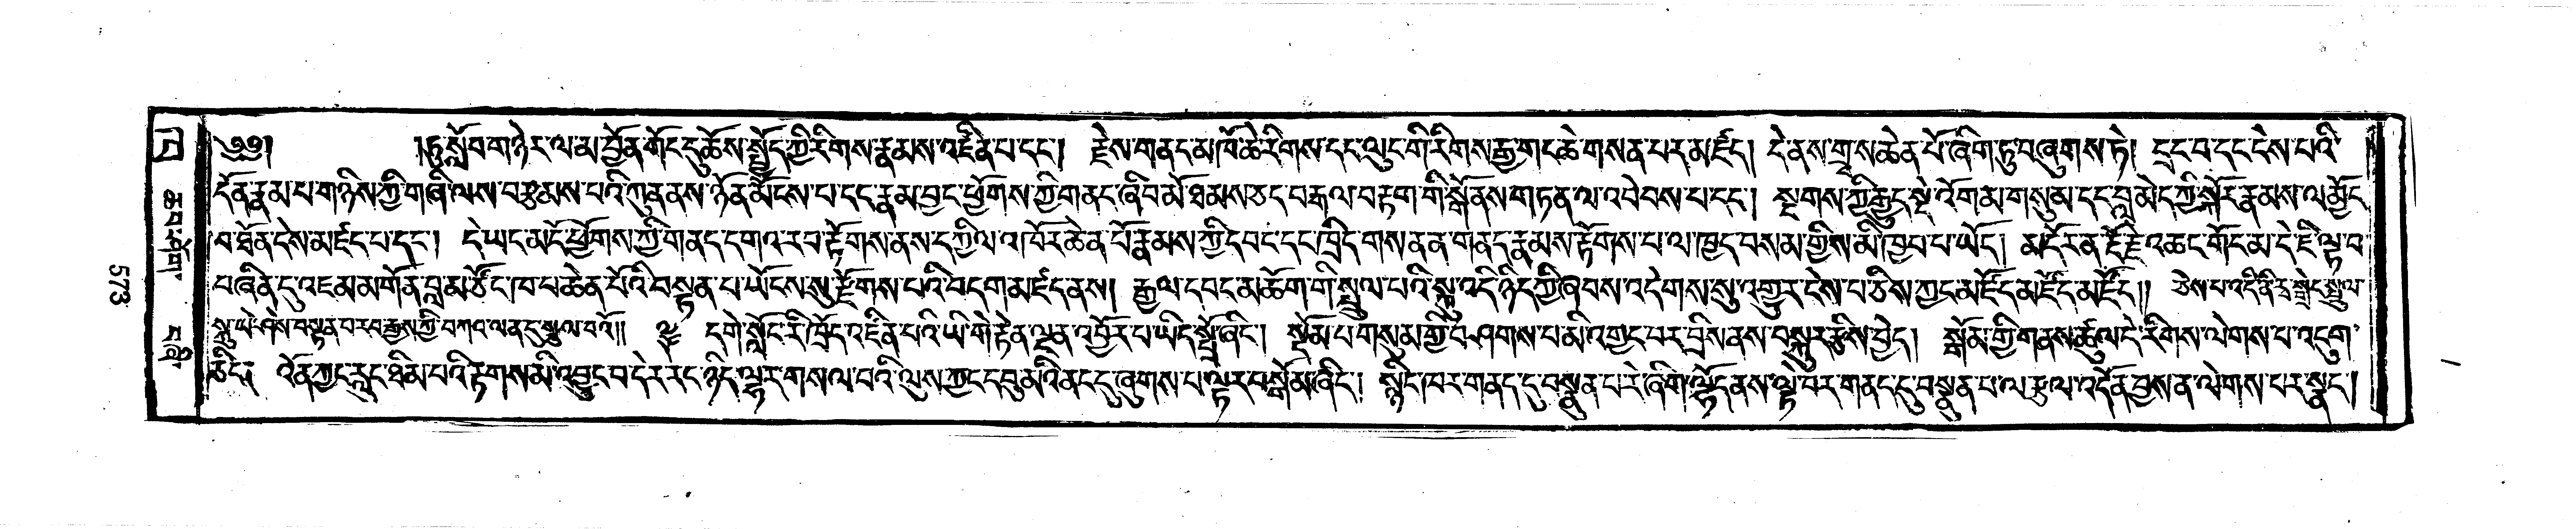༄༅། །ཏུ་སློབ་གཉེར་ལ་མ་བྱོན་གོང་དུ་ཆོས་སྤྱོད་ཀྱི་རིགས་རྣམས་འཛིན་པ་དང་། རྗེས་གནང་མཁོ་ཆེ་རིགས་དང་ལུང་གི་རིགས་རྒྱ་གང་ཆེ་གསན་པར་མཛད། དེ་ནས་གྲྭ་ས་ཆེན་པོ་ཞིག་ཏུ་བཞུགས་ཏེ། དྲང་བ་དང་ངེས་པའི་
དོན་རྣམ་པ་གཉིས་ཀྱི་གཞི་ལས་བརྩམས་པའི་ཀུན་ནས་ཉོན་མོངས་པ་དང་རྣམ་བྱང་ཕྱོགས་ཀྱི་གནད་ཞིབ་མོ་ཐམས་ཅད་བརྒལ་བརྟག་གི་སྒོ་ནས་གཏན་ལ་འབེབས་པ་དང་། སྔགས་ཀྱི་རྒྱུད་སྡེ་འོག་མ་གསུམ་དང་བླ་མེད་ཀྱི་སྐོར་རྣམས་ལ་མྱོང་
བ་ཐོན་ངེས་མཛད་པ་དང་། དེ་ཡང་མདོ་ཕྱོགས་ཀྱི་གནད་དགའ་རབ་རྟོགས་ནས་དཀྱིལ་འཁོར་ཆེན་པོ་རྣམས་ཀྱི་དབང་དང་ཁྲིད་གས་ན་ན་གནད་རྣམས་རྟོགས་པ་ལ་ཁྱད་བསམ་གྱིས་མི་ཁྱབ་པ་ཡོད། མདོར་ན་རྡོ་རྗེ་འཆང་གོང་མ་དེ་ཇི་ལྟ་བ་
བཞིན་དུ་འཇམ་མགོན་བླ་མ་ཙོང་ཁ་པ་ཆེན་པོའི་བསྟན་པ་ཡོངས་སུ་རྫོགས་པའི་བདག་མཛད་ནས། རྒྱལ་དབང་མཆོག་གི་སྤྲུལ་པའི་སྐུ་འདི་ཉིད་ཀྱི་ཞབས་འདེགས་སུ་འགྱུར་ངེས་པ་ཅིས་ཀྱང་མཛོད་མཛོད་མཛོད།། ཅེས་པ་འདི་ནི་རྭ་སྒྲེང་སྤྲུལ་
སྐུ་ཡེ་ཤེས་བསྟན་པ་རབ་རྒྱས་ཀྱི་བཀའ་ལན་དུ་སྩལ་བའོ།། ༈ དགེ་སློང་རི་ཁྲོད་འཛིན་པའི་ཡི་གེ་རྟེན་ལྡན་འབྱོར་པ་ཡིད་སྤྲོ་ཞིང་། སྡོམ་པ་གསུམ་གྱི་བཤགས་པ་མི་འགྱང་པར་བྲིས་ནས་བསྐུར་རྩིས་བྱེད། སྒོམ་གྱི་གནས་ཚུལ་དེ་རིགས་ལེགས་པ་འདུག་
ཅིང༑ འོན་ཀྱང་རླུང་ཐིམ་པའི་རྟགས་མི་འབྱུང་བ་དེར་རང་ཉིད་ལྷར་གསལ་བའི་ལུས་ཀྱང་དབུ་མའི་ནང་དུ་ཞུགས་པ་ལྟར་བསྒོམ་ཞིང་། སྙིང་ཁར་གནད་དུ་བསྣུན་པ་རེ་ཞིག་ལྷོད་ནས་ལྟེ་བར་གནད་དུ་བསྣུན་པ་ལ་རྩལ་འདོན་བྱས་ན་ལེགས་པར་སྣང་།